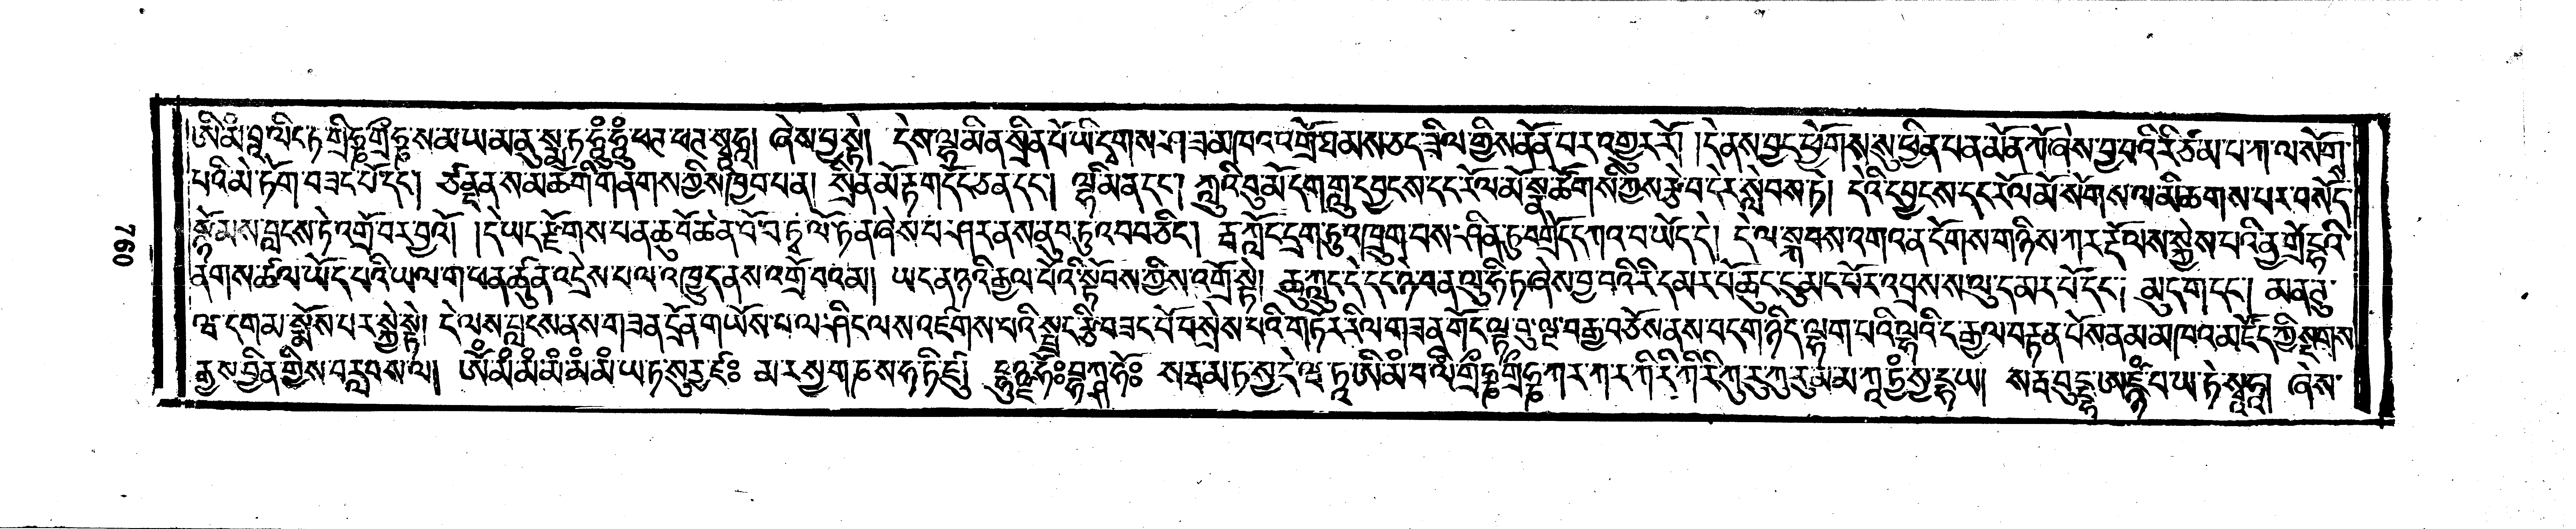ཨི་མཾ་བཱ་ལིང་ཏ་གྲིཧྞ་གྲྀཧྞ་ས་མ་ཡ་མ་ནུ་སྨ་ཏ་ཧཱུཾ་ཧཱུཾ་ཕཊ་ཕཊ་སྭཱ་ཧཱ། ཞེས་བྱ་སྟེ། དེས་ལྷ་མིན་སྲིན་པོ་ཡི་དྭགས་ཤ་ཟ་མཁའ་འགྲོ་ཐམས་ཅ་ཟིལ་གྱིས་ནོན་པར་འགྱུར་རོ། །དེ་ནས་བྱང་ཕྱོགས་སུ་ཕྱིན་པ་ན་མོན་ཀོ་ཞེས་བྱ་བའི་རི་ཙམ་པ་ཀ་ལ་སོགས་
པའི་མེ་ཏོག་བཟང་པོ་དང་། ཙནྡན་ས་མཆོག་གི་ནགས་ཀྱིས་ཁྱབ་པ་ན། སྲིན་མོ་རྟ་གདོང་ཅན་དང་། ལྷ་མི་ན་དང་། ཀླུའི་བུ་མོ་དག་ཀླུ་དབྱངས་དང་རོལ་མོ་སྣ་ཚོགས་ཀྱིས་རྩེ་བ་དེར་སླེབས་ཏེ། དེའི་དབྱངས་དང་རོལ་མོ་སོགས་ལ་མི་ཆགས་པར་བསོད་
སྙོམས་བླངས་ཏེ་འགྲོ་བར་བྱའོ། །དེ་ཡང་རྫོགས་པ་ན་ཆུ་བོ་ཆེན་པོ་བ་ཏྭ་ལོ་ཏ་ན་ཞེས་པ་ཤར་ནས་ནུབ་ཏུ་འབབ་ཅིང་། རྦ་ཀློང་དྲག་ཏུ་འཁྲུག་པས་ཤིན་ཏུ་བགྲོད་དཀའ་བ་ཡོད་དེ། དེ་ལ་སྐབས་འགའ་ན་ངོགས་གཉིས་ཀར་རྡོ་ལས་སྐྱེས་པའི་ནྱ་གྲོ་དྷའི་
ནགས་ཚལ་ཡོད་པའི་ཡལ་ག་ཕན་ཚུན་འདྲེས་པ་ལ་འཁྱུད་ནས་འགྲོ་བའམ། ཡང་ན་ཉའི་རྒྱལ་པོའི་སྟོབས་ཀྱིས་འགྲོ་སྟེ། ཆུ་ཀླུང་དེ་དང་ཉེ་བ་ན་ལུ་ཧི་ཏ་ཞེས་བྱ་བའི་རི་དམར་པོ་ཆུང་ངུ་མང་པོར་འབྲས་ས་ལུ་དམར་པོ་དང་། མུད་ག་དང་། མན་ཊུ་
ཝ་དག་མ་སྨོས་པར་སྐྱེ་སྟེ། དེ་ལས་བླངས་ནས་གཟན་དྲོན་གཡོས་པ་ལ་ཤིང་ལས་འཛགས་པའི་སྦྲད་རྩི་བཟང་པོ་བསྲེས་པའི་གཏོར་རིལ་གཟན་གོང་ལྟ་བུ་ལྔ་བརྒྱ་བཅོས་ནས་བདག་ཉིད་ལྷག་པའི་ལྷའི་ང་རྒྱལ་བརྟན་པོས་ནམ་མཁའ་མཛོད་ཀྱིས་སྔགས་
རྒྱས་བྱིན་གྱིས་བརླབས་ལ། ཨོཾ་མཾ་མཾ་མཾ་མཾ་མཾ་ཡ་ཏ་སུརྱ་ཛཿ མ་ར་སྱ་ག་ཎ་ས་ཧ་ཏི་ཛུ། དྷུཉྫ་ཧོཿ བྷཀྴ་ཧོཿ སརྦ་མ་ཏ་སྱ་དེ་ཝ་ཏཱ་ཨི་མཾ་བ་ལིཾ་གྲྀཧྞ་གྲྀཧྞ་ཀ་ར་ཀ་ར་ཀི་རི་ཀི་རི་ཀུ་རུ་ཀུ་རུ་མ་མ་ཀཱ་ཏྱཾ་སྱ་དྷ་ཡ། སརྦ་བུདྡྷ་ཨཛྙཾ་པ་ཡ་ཏེ་སྭཱ་ཧཱ། ཞེས་